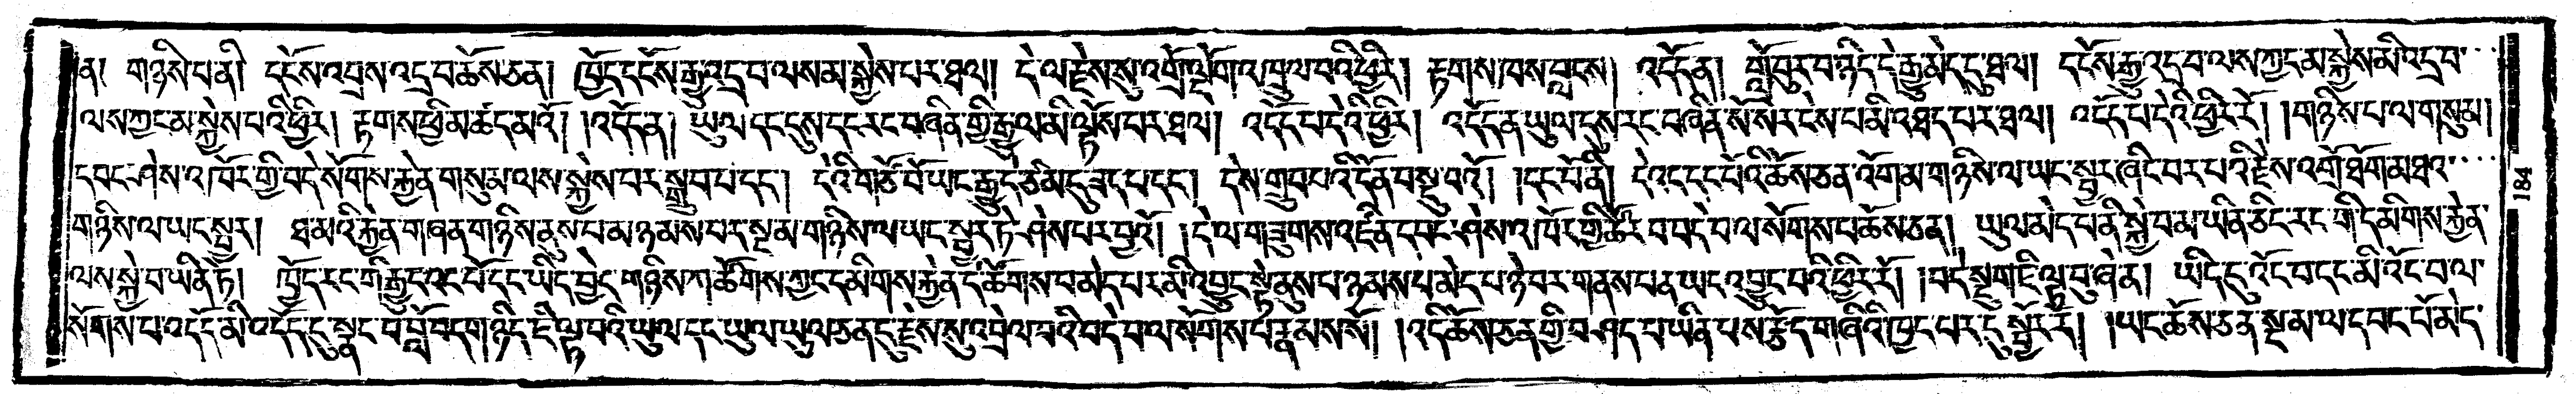ན། གཉིས་པ་ནི། དངོས་འབྲས་འདྲ་བ་ཆོས་ཅན། ཁྱོད་དངོས་རྒྱུ་འདྲ་བ་ལས་མ་སྐྱེས་པར་ཐལ། དེ་ལ་རྗེས་སུ་འགྲོ་ལྡོག་འཁྲུལ་བའི་ཕྱིར། རྟགས་ཁས་བླངས། འདོད་ན། གློ་བུར་བ་ཉིད་དེ་རྒྱུ་མེད་དུ་ཐལ། དངོས་རྒྱུ་འདྲ་བ་ལས་ཀྱང་མ་སྐྱེས་མི་འདྲ་བ་
ལས་ཀྱང་མ་སྐྱེས་པའི་ཕྱིར། རྟགས་ཕྱི་མ་ཚད་མའོ། །འདོད་ན། ཡུལ་དང་དུས་དང་རང་བཞིན་གྱི་རྒྱུ་ལ་མི་ལྟོས་པར་ཐལ། འདོད་པ་དེའི་ཕྱིར། འདོད་ན་ཡུལ་དུས་རང་བཞིན་སོ་སོར་ངེས་པ་མི་འཐད་པར་ཐལ། འདོད་པ་དེའི་ཕྱིར་རོ། །གཉིས་པ་ལ་གསུམ།
དབང་ཤེས་འཁོར་གྱི་བདེ་སོགས་རྐྱེན་གསུམ་ལས་སྐྱེས་པར་སྒྲུབ་པ་དང་། དེའི་གཙོ་བོ་ཡང་རྒྱུ་དེ་ཙམ་དུ་ཟད་པ་དང་། དེས་གྲུབ་པའི་དོན་བསྡུ་བའོ། །དང་པོ་ནི། དེའང་དང་པོའི་ཆོས་ཅན་འོག་མ་གཉིས་ལ་ཡང་སྦྱར་ཞིང་བར་པའི་རྗེས་འགྲོ་ཐོག་མཐའ་
གཉིས་ལ་ཡང་སྦྱར། ཐ་མའི་རྐྱེན་གཞན་གཉིས་ནུས་པ་མཉམས་པར་སྔ་མ་གཉིས་ལ་ཡང་སྦྱར་ཏེ་ཤེས་པར་བྱའོ། །དེ་ལ་གཟུགས་འཛིན་དབང་ཤེས་འཁོར་གྱི་ཚོར་བ་བདེ་བ་ལ་སོགས་པ་ཆོས་ཅན། ཡུལ་མེད་པ་ནི་སྐྱེ་བ་མ་ཡིན་ཅིང་རང་གི་དམིགས་རྐྱེན་
ལས་སྐྱེས་པ་ཡིན་ཏེ། ཁྱོད་རང་གི་རྒྱུད་དང་པོ་དང་ཡིད་བྱེད་གཉིས་ཀ་ཚོགས་ཀྱང་དམིགས་རྐྱེན་དེ་ཚོགས་པ་མེད་པར་མི་འབྱུང་སྟེ་ནུས་པ་ཉམས་པ་མེད་པ་ཉེ་བར་གནས་པ་ན་ཡང་འབྱུང་བའི་ཕྱིར་རོ། །བདེ་སྡུག་ཇི་ལྟ་བུ་ཞེ་ན། ཡིད་དུ་འོང་བ་དང་མི་འོང་བ་ལ་
སོགས་པ་འདོད་མི་འདོད་དུ་སྣང་བ་བློ་བདག་ཉིད་ཇི་ལྟ་བའི་ཡུལ་དང་ཡུ་ཡུལ་ཅན་དུ་རྗེས་སུ་འབྲེལ་བའི་བདེ་བ་ལ་སོགས་པ་རྣམས་སོ། །འདི་ཆོས་ཅན་གྱི་བཤད་པ་ཡིན་པས་རྩོད་གཞིའི་ཁྱད་པར་དུ་སྦྱོར་རོ། །ཡང་ཆོས་ཅན་སྔ་མ་ལ་དབང་པོ་མེད་